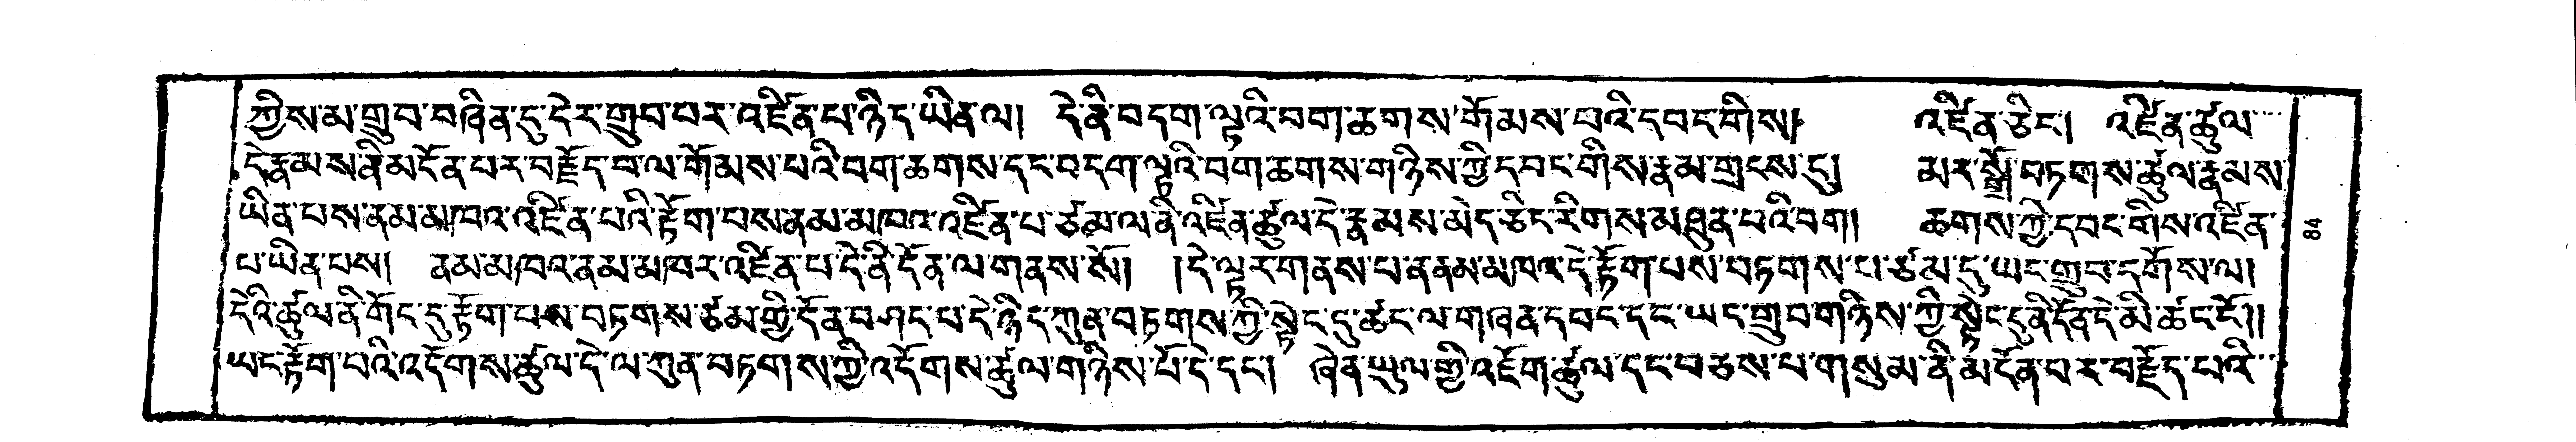ཀྱིས་མ་གྲུབ་བཞིན་དུ་དེར་གྲུབ་པར་འཛིན་པ་ཉིད་ཡིན་ལ། དེ་ནི་བདག་ལྟའི་བག་ཆགས་གོམས་པའི་དབང་གིས། འཛིན་ཅིང་། འཛིན་ཚུལ་
དེ་རྣམས་ནི་མངོན་པར་བརྗོད་པ་ལ་གོམས་པའི་བག་ཆགས་དང་བདག་ལྟའི་བག་ཆགས་གཉིས་ཀྱི་དབང་གིས་རྣམ་གྲངས་དུ། མར་སྒྲོ་བཏགས་ཚུལ་རྣམས་
ཡིན་པས་ནམ་མཁའ་འཛིན་པའི་རྟོག་པས་ནམ་མཁའ་འཛིན་པ་ཙམ་ལ་ནི་འཛིན་ཚུལ་དེ་རྣམས་མེད་ཅིང་རིགས་མཐུན་པའི་བག། ཆགས་ཀྱི་དབང་གིས་འཛིན་
པ་ཡིན་པས། ནམ་མཁའ་ནམ་མཁར་འཛིན་པ་དེ་ནི་དོན་ལ་གནས་སོ། །དེ་ལྟར་གནས་པ་ན་ནམ་མཁའ་དེ་རྟོག་པས་བཏགས་པ་ཙམ་དུ་ཡང་གྲུབ་དགོས་ལ།
དེའི་ཚུལ་ནི་གོང་དུ་རྟོག་པས་བཏགས་ཙམ་གྱི་དོན་བཤད་པ་དེ་ཉིད་ཀུན་བཏགས་ཀྱི་སྟེང་དུ་ཚང་ལ་གཞན་དབང་དང་ཡང་གྲུབ་གཉིས་ཀྱི་སྟེང་དུ་ནི་དོན་དེ་མི་ཚང་ངོ།།
ཡང་རྟོག་པའི་འདོགས་ཚུལ་དེ་ལ་ཀུན་བཏགས་ཀྱི་འདོགས་ཚུལ་གཉིས་པོ་དེ་དང་། ཞེན་ཡུལ་གྱི་འཇོག་ཚུལ་དང་བཅས་པ་གསུམ་ནི་མངོན་པར་བརྗོད་པའི་